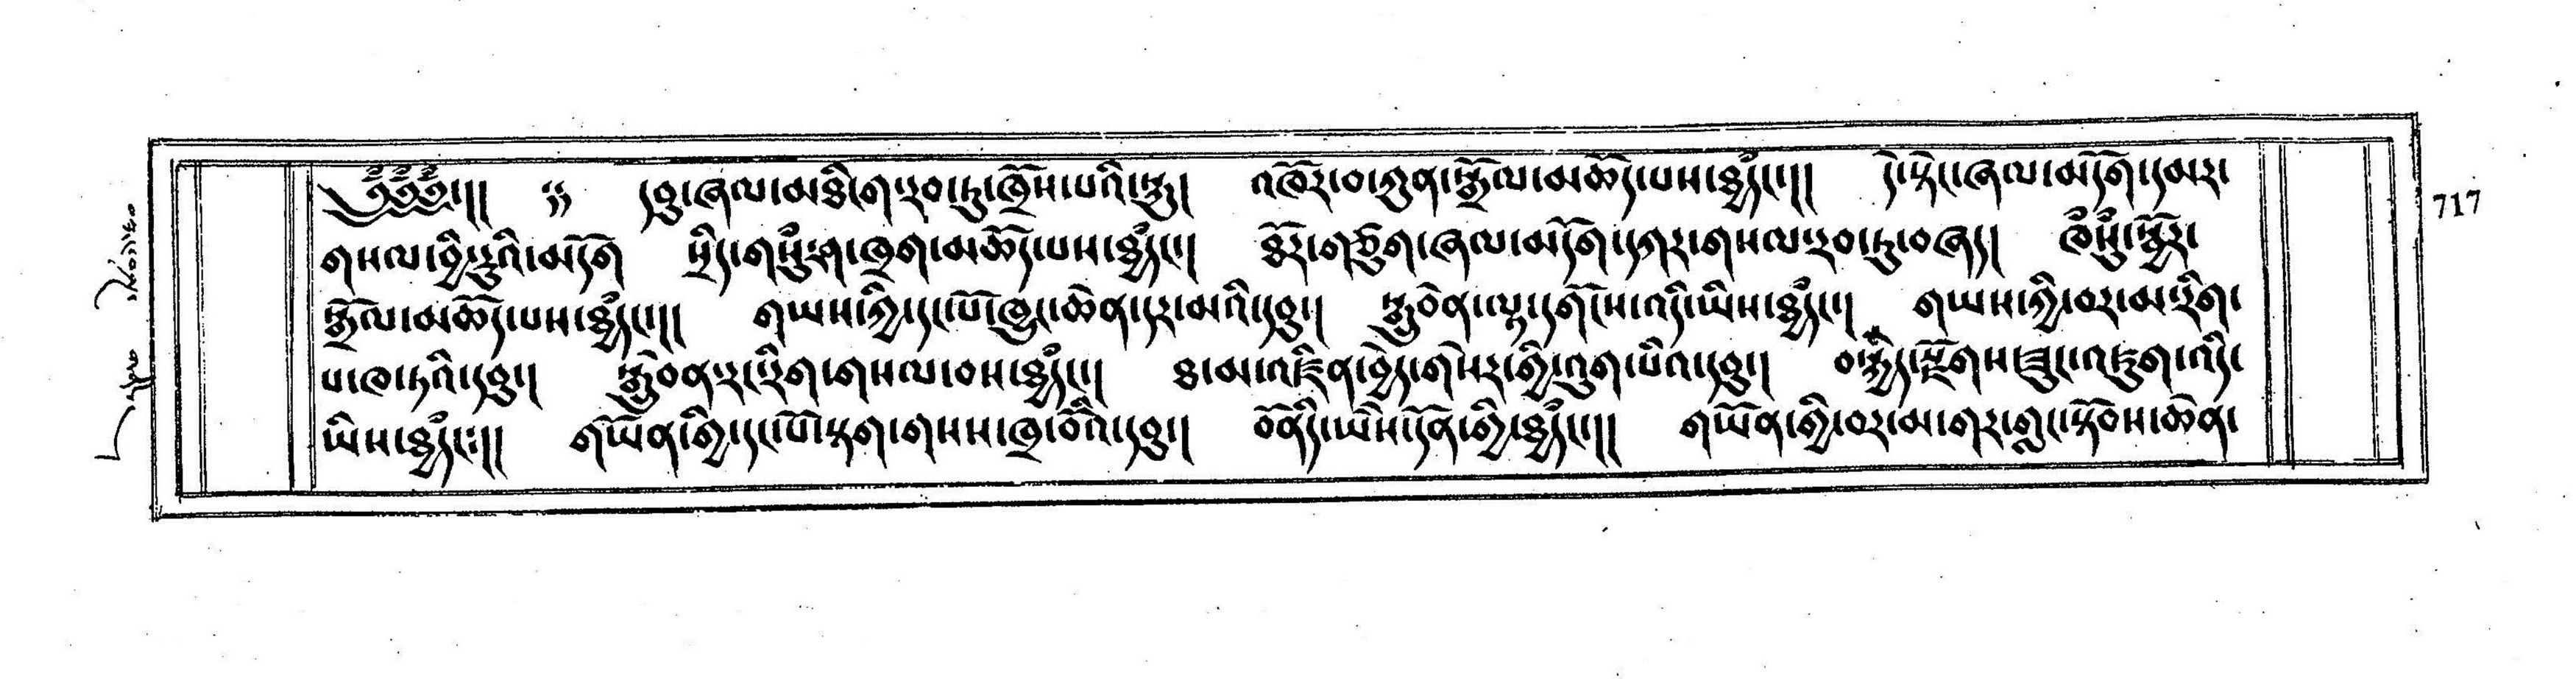དབུ་ཞལ་མཐིང་ནག་རབ་ཏུ་ཁྲོས་པའི་སྐུ། འཁོར་བ་ཀུན་སྒྲོལ་མཆོད་པས་ཐུགས་དམ་བསྐང་། དེ་སྟེང་ཞལ་མདོག་དམར་
གསལ་བྱི་རུའི་མདོག སྲིད་གསུམ་ཤ་ཁྲག་མཆོད་པས་ཐུགས་དམ་བསྐང་། ཐོར་གཙུག་ཞལ་མདོག་དཀར་གསལ་རབ་ཏུ་བཞད། ཁམས་གསུམ་སྦྱོར་
སྒྲོལ་མཆོད་པས་ཐུགས་དམ་བསྐང་།། གཡས་ཀྱི་དང་པོ་ཁྱུང་ཆེན་དར་མའི་དབུ། སྒྲུབ་གཤེན་ལྟ་དགོངས་འདི་ཡིས་ཐུགས་དམ་བསྐང་། གཡས་ཀྱི་བར་མ་རིག་
པ་ཁ་ཏའི་དབུ། སྒྲུབ་གཤེན་རང་རིག་གསལ་བས་ཐུགས་དམ་བསྐང་། ཐ་མ་འཛིན་བྱེད་གསེར་གྱི་འུག་པའི་དབུ། བསྐྱེད་རྫོགས་ཟུང་འཇུག་འདི་
ཡིས་ཐུགས་དམ་བསྐང་།། གཡོན་གྱི་དང་པོ་སྟག་གསས་ཁྲ་བོའི་དབུ། བོན་ཉིད་ཡེ་ཤེས་དོན་གྱི་ཐུགས་དམ་བསྐང་།། གཡོན་གྱི་བར་མ་གར་གླང་སྟོབས་ཆེན་